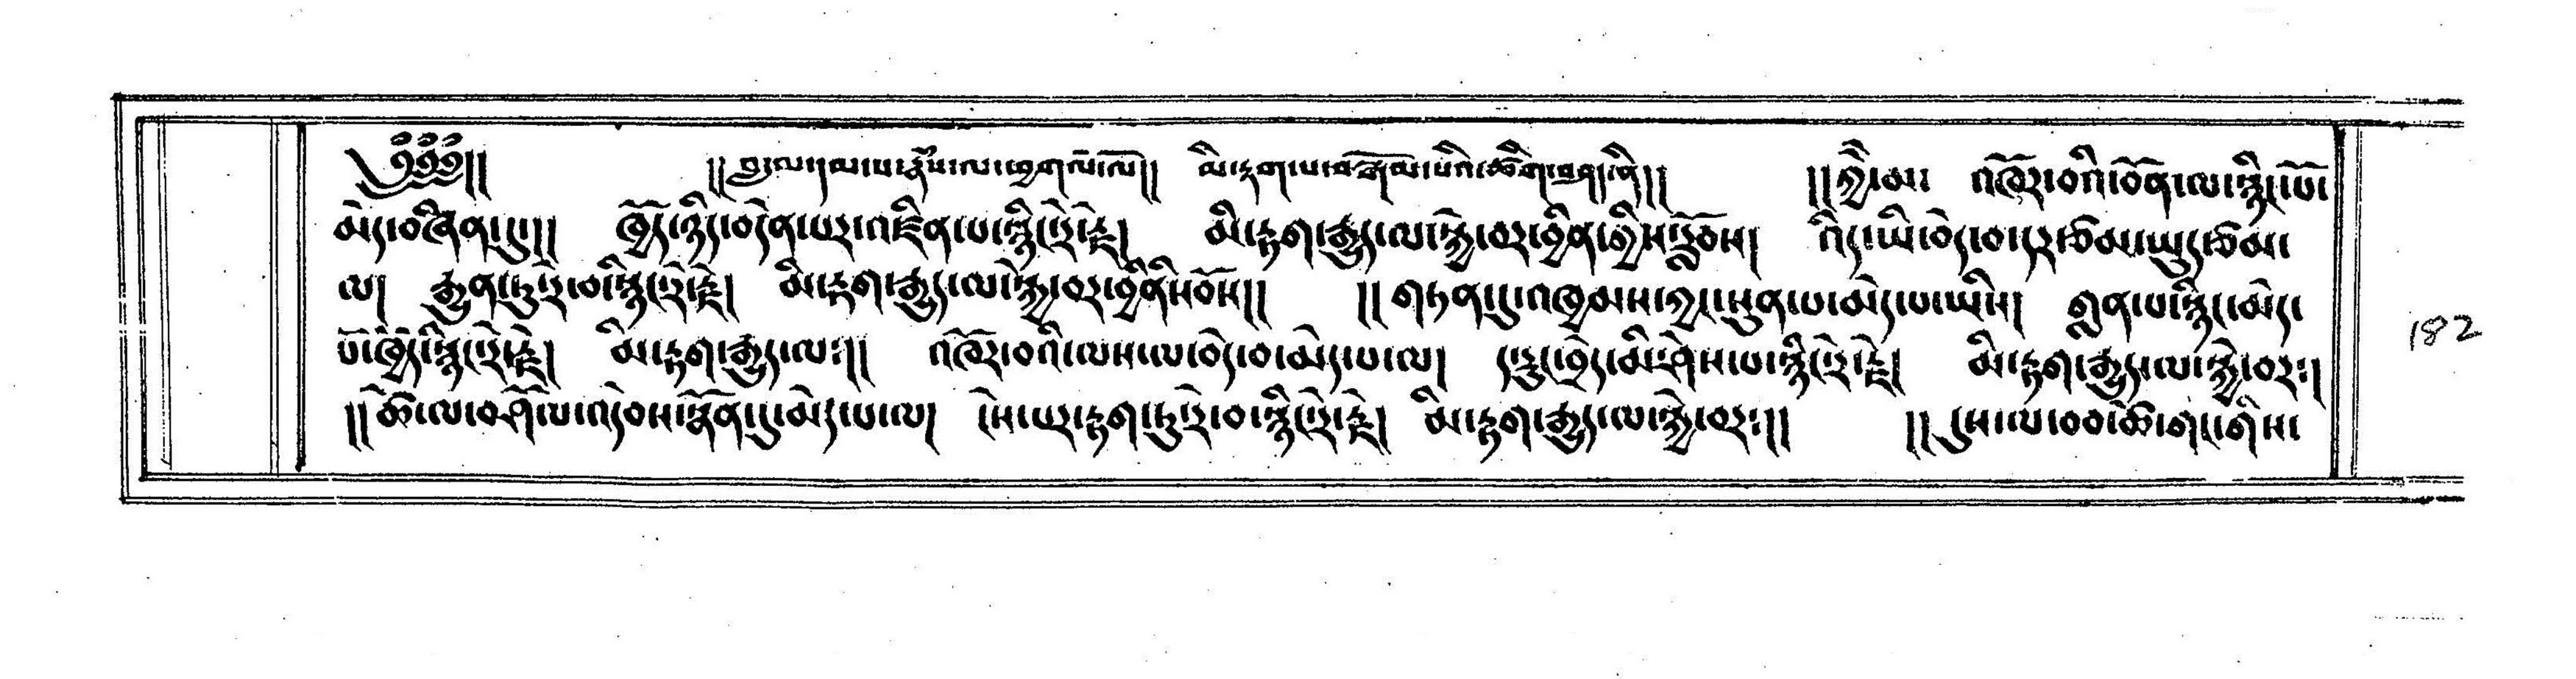༄༅༅།། །།བླ་མ་དམ་པ་རྣམས་ལ་ཕྱག་འཚལ་ལོ།། མི་རྟག་པ་བསྒོམ་པའི་ཚིག་བཤད་ནི།། །།ཀྱཻ་མ་འཁོར་བའི་བོན་ལ་སྙིང་པོ་
མེད་བཞིན་དུ།། ཁྱོད་ཉིད་བདེན་པར་འཛིན་པ་སྙིང་རེ་རྗེ། མི་རྟག་རྒྱུད་ལ་སྐྱེ་བར་བྱིན་གྱིས་རློབས། འདི་ཡི་བདེ་བ་དར་ཙམ་ཡུད་ཙམ་
ལ། རྒྱུན་ཏུ་རེ་བ་སྙིང་རེ་རྗེ། མི་རྟག་རྒྱུད་ལ་སྐྱེ་བར་བྱིན་གྱིས་རློབས།། །།གཏན་དུ་འཁྱམས་ཀྱང་སུན་པ་མེད་པ་ཡིས། གླན་པ་སྙིང་མེད་
པོ་ཁྱོད་སྙིང་རེ་རྗེ། མི་རྟག་རྒྱུད་ལ༴།། འཁོར་བའི་ལས་ལ་བདེ་བ་མེད་པ་ལ། ད་རུང་བྲེད་མི་ཤེས་པ་སྙིང་རེ་རྗེ། མི་རྟག་རྒྱུད་ལ་སྐྱེ་བར༴། 
།།ཚེ་ལ་བཤོལ་འདེབས་སྣོན་དུ་མེད་པ་ལ། ངེས་པར་རྟག་ཏུ་རེ་བ་སྙིང་རེ་རྗེ། མི་རྟག་རྒྱུད་ལ་སྐྱེ་བར༴།། །།དུས་ལ་བབ་ཚེ་གང་གིས་